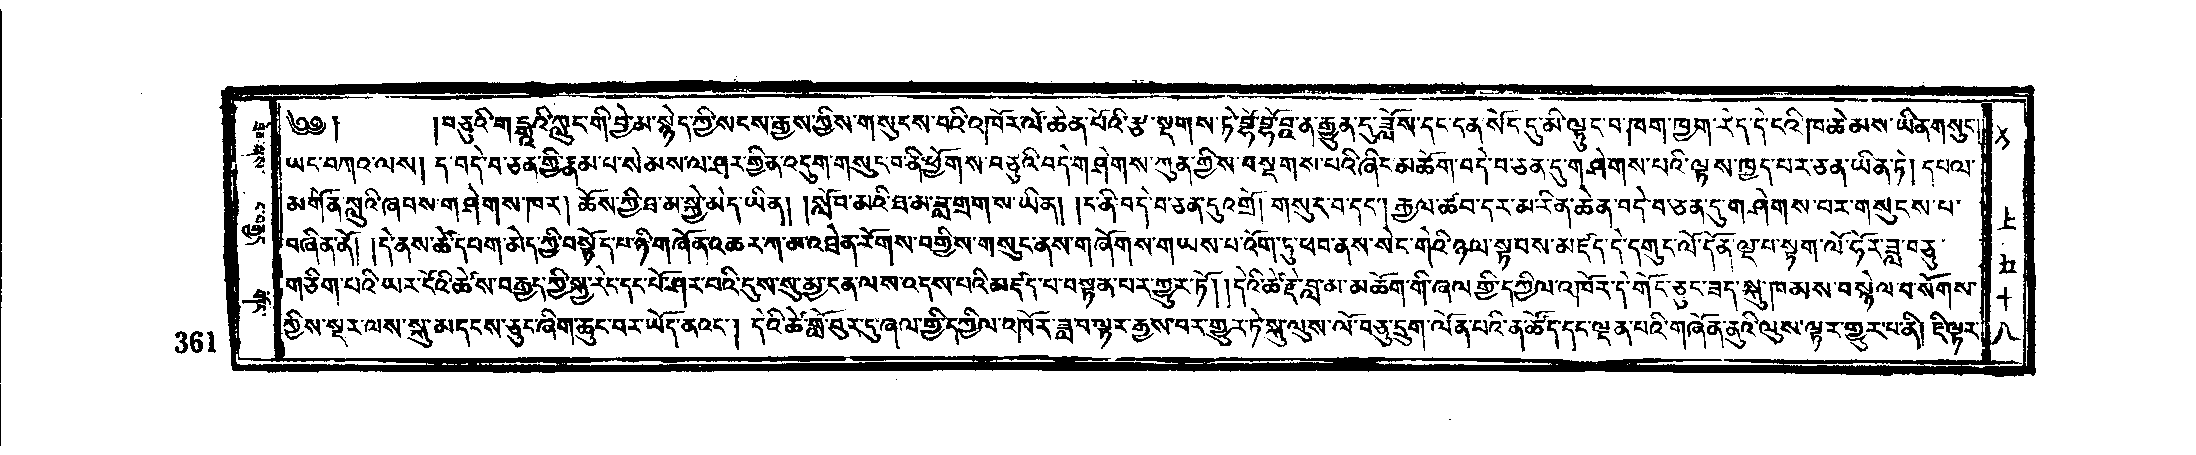༄༅། །བཅུའི་གངྒཱའི་ཀླུང་གི་བྱེ་མ་སྙེད་ཀྱི་སངས་རྒྱས་ཀྱིས་གསུངས་པའི་འཁོར་ལོ་ཆེན་པོའི་རྩ་སྔགས་ཏེ་བྷོ་བྷོ་བཱ་ན་རྒྱུན་དུ་ཟློས་དང་ངན་སོང་དུ་མི་ལྟུང་བ་ཁག་ཁྱག་རེད་དེ་ངའི་ཁ་ཆེམས་ཡིན་གསུང་།
ཡང་བཀའ་ལས། ད་བདེ་བ་ཅན་གྱི་རྣམ་པ་སེམས་ལ་ཤར་གྱིན་འདུག་གསུང་བ་ནི་ཕྱོགས་བཅུའི་བདེ་གཤེགས་ཀུན་གྱིས་བསྔགས་པའི་ཞིང་མཆོག་བདེ་བ་ཅན་དུ་གཤེགས་པའི་ལྟས་ཁྱད་པར་ཅན་ཡིན་ཏེ། དཔལ་
མགོན་ཀླུའི་ཞབས་གཤེགས་ཁར། ཆོས་ཀྱི་ཐ་མ་སྐྱེ་མེད་ཡིན། །སློབ་མའི་ཐ་མ་ཟླ་གྲགས་ཡིན། །ང་ནི་བདེ་བ་ཅན་དུ་འགྲོ། གསུང་བ་དང་། རྒྱལ་ཚབ་དར་མ་རིན་ཆེན་བདེ་བ་ཅན་དུ་གཤེགས་པར་གསུངས་པ་
བཞིན་ནོ། །དེ་ནས་ཚེ་དཔག་མེད་ཀྱི་བསྟོད་པ་ཉི་གཞོན་འཆར་ཀ་མ་འཐེན་རོགས་བགྱིས་གསུང་ནས་གཞོགས་གཡས་པ་འོག་ཏུ་ཕབ་ནས་སེང་གེའི་ཉལ་སྟབས་མཛད་དེ་དགུང་ལོ་དོན་ལྔ་པ་སྟག་ལོ་ཧོར་ཟླ་བཅུ་
གཅིག་པའི་ཡར་ངོའི་ཚེས་བརྒྱད་ཀྱི་སྐྱ་རེང་དང་པོ་ཤར་བའི་དུས་སུ་མྱ་ངན་ལས་འདས་པའི་མཛད་པ་བསྟན་པར་གྱུར་ཏོ། །དེའི་ཚེ་རྗེ་བླ་མ་མཆོག་གི་ཞལ་གྱི་དཀྱིལ་འཁོར་དེ་གོང་ཅུང་ཟད་སྐུ་ཁམས་བསྙེལ་བ་སོགས་
ཀྱིས་སྔར་ལས་སྐུ་མདངས་ཅུང་ཞིག་ཆུང་བར་ཡོད་ནའང་། དེའི་ཚེ་གློ་བུར་དུ་ཞལ་གྱི་དཀྱིལ་འཁོར་ཟླ་བ་ལྟར་རྒྱས་པར་གྱུར་ཏེ་སྐུ་ལུས་ལོ་བཅུ་དྲུག་ལོན་པའི་ན་ཚོད་དང་ལྡན་པའི་གཞོན་ནུའི་ལུས་ལྟར་གྱུར་པ་ནི། ཇི་ལྟར་